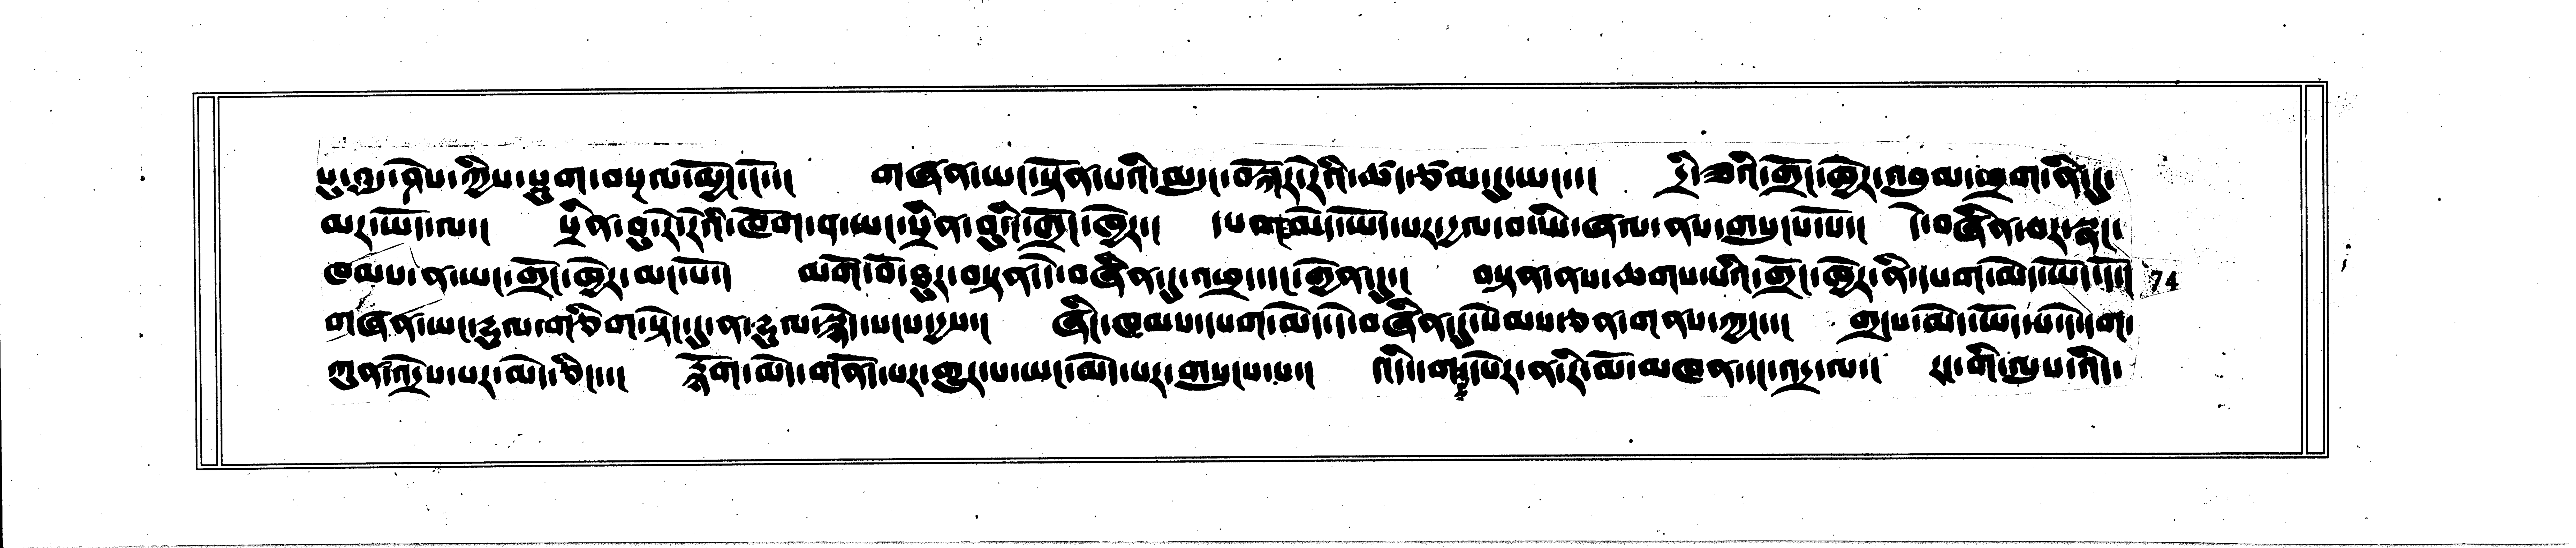སུ་འདུ་ཤེས་ཀྱིས་སྡུག་བསྔལ་མྱོང་ངོ་། །གཞན་ཡང་སྟོན་པའི་མདུང་སྐོར་རེའི་ཚད་ཙམ་དུ་ཡང་། །དྲི་ཟའི་གྲོང་ཁྱེར་འབུམ་ཕྲག་ནི་དུ་
མར་ཡོད་ལ། །སྲིན་བུ་རེ་རེའི་ཁོག་ནའང་སྲིན་འབུའི་གྲོང་ཁྱེར། །དཔག་མེད་ཡོད་པར་རྒྱལ་པ་ཡི་ཞལ་ནས་གསུངས་སོ། །དེ་བཞིན་བར་སྣང་
ཁམས་ན་ཡང་གྲོང་ཁྱེར་མང་པོ། །མགོ་བོ་ཐུར་བསྟན་དེ་བཞིན་འཕྲེད་དང་གྱེན་དུ། །བསྟན་ནས་ཆགས་པའི་གྲོང་ཁྱེར་ནི་དཔག་མེད་ཡོད་དོ། །
གཞན་ཡང་རྡུལ་གཅིག་སྟེང་དུ་ན་རྡུལ་རྙེད་སངས་རྒྱས། །ཞིང་ཁམས་དཔག་མེད་དེ་བཞིན་དུ་སེམས་ཅན་གནས་ཀྱང་། །གྲངས་མེད་ཡོད་པ་དེ་དག་
ཀུན་འདྲེས་པར་མེད་ཅིང་། །རྙོག་མེད་གནོད་པར་གྱུར་པ་ཡང་མེད་པར་གསུངས་པ། །འདི་དག་དཔེར་ན་རི་མོ་མཁན་དང་འདྲ་ལ། །རང་གི་ལུས་འདི་